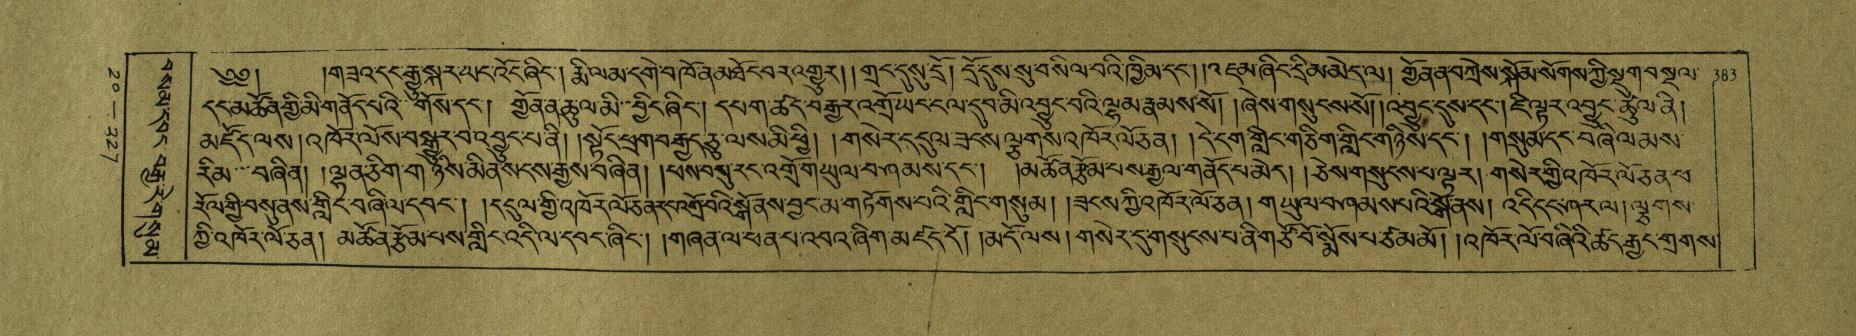༄༅། །གཟའ་དང་རྒྱུ་སྐར་ཡང་འོང་ཞིང་། རྨི་ལམ་དགེ་བ་ཁོ་ན་མཐོང་བར་འགྱུར། །གྲང་དུས་སུ་དྲོ། དྲོ་དུས་སུ་བསིལ་བའི་ཁྱིམ་དང་། །འཇམ་ཞིང་དྲི་མ་མེད་ལ། གྱོན་ན་བཀྲེས་སྐོམ་སོགས་ཀྱི་སྡུག་བསྔལ་
དང་མཚོན་གྱི་མི་གནོད་པའི་གོས་དང་། གྱོན་ན་ཆུ་ལ་མི་བྱིང་ཞིང་། དཔག་ཚད་བརྒྱར་འགྲོ་ཡང་ངལ་དུབ་མི་འབྱུང་བའི་ལྷམ་རྣམས་སོ། །ཞེས་གསུངས་སོ། །འབྱུང་དུས་དང་། ཇི་ལྟར་འབྱུང་ཚུལ་ནི།
མཛོད་ལས། འཁོར་ལོས་བསྒྱུར་བ་འབྱུང་པ་ནི། །སྟོང་ཕྲག་བརྒྱད་ཅུ་ལས་མི་ཕྱི། །གསེར་དངུལ་ཟངས་ལྕགས་འཁོར་ལོ་ཅན། །དེ་དག་གླིང་གཅིག་གླིང་གཉིས་དང་། །གསུམ་དང་བཞི་ལ་མས་
རིམ་བཞིན། །ལྷན་ཅིག་གཉིས་མིན་སངས་རྒྱས་བཞིན། །ཕས་བསུ་རང་འགྲོ་གཡུལ་བཤམས་དང་། །མཚོན་རྩོམ་པས་རྒྱལ་གནོད་པ་མེད། །ཅེས་གསུངས་པ་ལྟར། གསེར་གྱི་འཁོར་ལོ་ཅན་ཕ་
རོལ་གྱི་བསུ་ནས་གླིང་བཞི་ལ་དབང་། །དངུལ་གྱི་འཁོར་ལོ་ཅན་རང་འགྲོ་བའི་སྒོ་ནས་བྱང་མ་གཏོགས་པའི་གླིང་གསུམ། །ཟངས་ཀྱི་འཁོར་ལོ་ཅན། གཡུལ་བཤམས་པའི་སྒོ་ནས། འདི་དང་ཤར་ལ། ལྕགས་
ཀྱི་འཁོར་ལོ་ཅན། མཚོན་རྩོམ་པས་གླིང་འདི་ལ་དབང་ཞིང་། །གཞན་ལ་ཕན་པ་འབའ་ཞིག་མཛད་དོ། །མདོ་ལས། གསེར་དུ་གསུངས་པ་ནི་གཙོ་བོ་སྨོས་པ་ཙམ་མོ། །འཁོར་ལོ་བཞིའི་ཚད་རྒྱང་གྲགས་